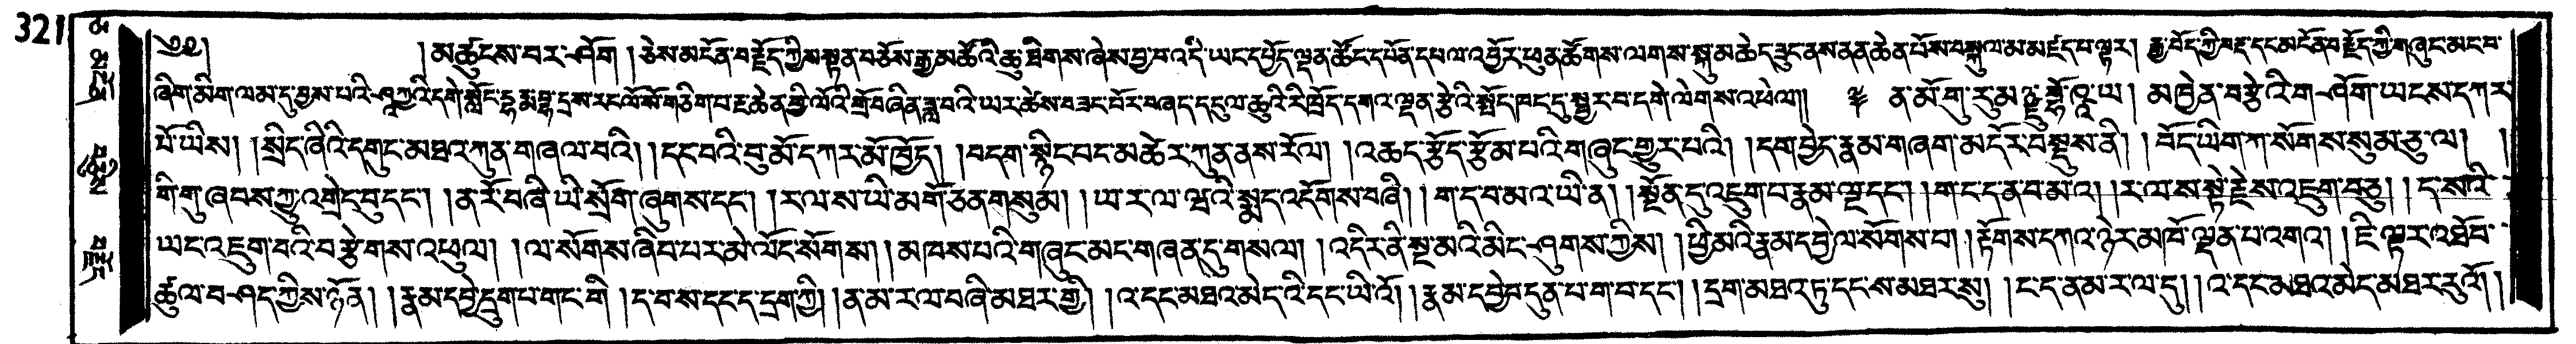༄༅། །མཚུངས་བར་ཤོག །ཅེས་མངོན་བརྗོད་ཀྱིས་བསྟན་བཅོས་རྒྱ་མཚོའི་ཆུ་ཐིགས་ཞེས་བྱ་བ་འདི་ཡང་དཔྱོད་ལྡན་ཚོང་དཔོན་དཔལ་འབྱོར་ཕུན་ཚོགས་ལགས་སྐུ་མཆེད་ཟུང་ནས་ནན་ཆེན་པོས་བསྐུལ་མ་མཛད་པ་ལྟར། རྒྱ་བོད་ཀྱི་བརྡ་དང་མངོན་བརྗོད་ཀྱི་གཞུང་མང་བ་
ཞིག་མིག་ལམ་དུ་བྱས་པའི་ཤཱཀྱའི་དགེ་སོང་དྷ་རྨ་བྷ་དྲས་རང་ལོ་སོ་གཅིག་པ་རྔ་ཆེན་གྱི་ལོའི་གྲོ་བཞིན་ཟླ་བའི་ཡར་ཚེས་བཟང་པོར་བཞད་དངུལ་ཆུའི་རི་ཁྲོད་དགའ་ལྡན་རྩེའི་སྤོད་ཁང་དུ་སྦྱར་བ་དགེ་ལེགས་འཕེལ།། ༈ ན་མོ་གུ་རུ་མ་ཉྫུ་གྷོ་ཥཱ་ཡ། མཁྱེན་བརྩེའི་གཤོག་ཡངས་དཀར་
པོ་ཡིས། །སྲིད་ཞིའི་དགུང་མཐའ་ཀུན་གཞལ་བའི། །དང་བའི་བུ་མོ་དཀར་མོ་ཁྱོད། །བདག་སྙིང་བང་མཚེར་ཀུན་ནས་རོལ། །འཆད་རྩོད་རྩོམ་པའི་གཞུང་གྱུར་པའི། །དག་བྱེད་རྣམ་གཞག་མདོར་བསྡུས་ནི། །བོད་ཡིག་ཀ་སོགས་སུམ་ཅུ་ལ། །
གི་གུ་ཞབས་ཀྱུ་འགྲེང་བུ་དང་། །ན་རོ་བཞི་ཡི་སྲོག་ཞུགས་དང་། །ར་ལ་ས་ཡི་མགོ་ཅན་གསུམ། །ཡ་ར་ལ་ཝའི་སྨད་འདོགས་བཞི། །ག་ད་བ་མ་འ་ཡི་ན། །སྔོན་དུ་འཇུག་པ་རྣམ་ལྔ་དང་། །ག་ང་ད་ན་བ་མ་འ། །ར་ལ་ས་སྟེ་རྗེས་འཇུག་བཅུ། །ད་སའི་
ཡང་འཇུག་བའི་བརྩེགས་འཕུལ། །ལ་སོགས་བཞིབ་པར་མེ་ལོང་སོགས། །མཁས་པའི་གཞུང་མང་གཞན་དུ་གསལ། །འདིར་ནི་སྔ་མའི་མིང་ཤུགས་ཀྱིས། །ཕྱི་མའི་རྣམ་དབྱེ་ལ་སོགས་པ། །རྟོགས་དཀའ་ཉེར་མཁོ་ལྡན་པ་འགའ། །ཇི་ལྟར་འཐོབ་
ཚུལ་བཤད་ཀྱིས་ཉོན། །རྣམ་དབྱེ་དྲུག་པ་གང་གི། །ད་བ་ས་དང་ད་དྲག་ཀྱི། །ན་མ་ར་ལ་བཞི་མཐར་གྱི། །འ་དང་མཐའ་མེད་འདི་དང་ཡི་འོ། །རྣམ་དབྱེ་བདུན་པ་ག་བ་དང་། །དྲག་མཐའ་ཏུ་དང་ས་མཐར་སུ། །ང་ད་ན་མ་ར་ལ་དུ། །འ་དང་མཐའ་མེད་མཐར་རུའོ། །